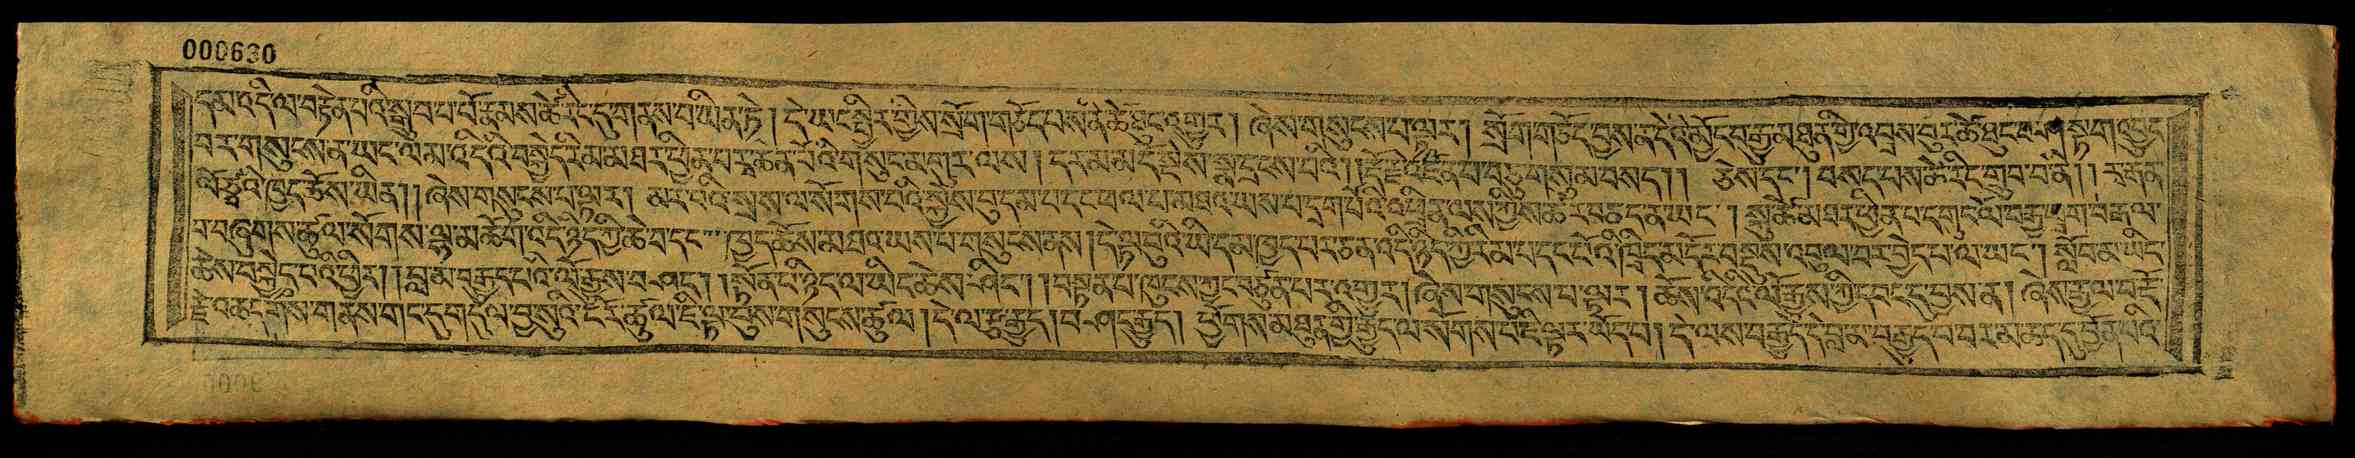དམ་འདི་ལ་བརྟེན་པའི་སྒྲུབ་པ་པོ་རྣམས་ཚེ་རིང་དུ་གནས་པ་ཡིན་ཏེ། དེ་ཡང་སྤྱིར་གྱིས་སྲོག་གཅོད་པས་ནི་ཚེ་ཐུང་འགྱུར། ཞེས་གསུངས་པ་ལྟར། སྲོག་གཅོད་བྱས་ན་དེའི་མྱོང་བ་རྒྱུ་མཐུན་གྱི་འབྲས་བུར་ཚེ་ཐུང་བ་ཤ་སྟག་འབྱུང་
བར་གསུངས་ན་ཡང་ལམ་འདིའི་བསྐྱེད་རིམ་མཐར་ཕྱིན་པ་རྭ་ཆེན་པོའི་གསུང་མགུར་ལས། དར་མ་མདོ་སྡེས་སྣ་དྲངས་པའི། །རྡོ་རྗེ་འཛིན་པ་བཅུ་གསུམ་བསད། །ཅེས་དང་། བསད་པས་ཚེ་རིང་གྲུབ་པ་ནི། །རྭ་རྒན་
ལོ་ཙཱའི་ཁྱད་ཆོས་ཡིན། །ཞེས་གསུངས་པ་ལྟར། མར་པའི་སྲས་ལ་སོགས་པའི་སྐྱེས་བུ་དམ་པ་དང་ཕལ་པ་མཐའ་ཡས་པ་དྲག་པོའི་འཕྲིན་ལས་ཀྱིས་ཚར་བཅད་ན་ཡང་། སྐུ་ཚེ་མཐར་ཕྱིན་པ་དགུང་ལོ་བརྒྱ་ཕྲག་བརྒལ་
བ་བཞུགས་ཚུལ་སོགས་ལྷ་མཆོག་འདི་ཉིད་ཀྱི་ཆེ་བ་དང་ཁྱད་ཆོས་མཐའ་ཡས་པ་གསུངས་ནས། དེ་ལྟ་བུའི་ཡི་དམ་ཁྱད་པར་ཅན་འདི་ཉིད་ཀྱི་རིམ་པ་དང་པོའི་ཁྲིད་མདོར་བསྡུས་འབུལ་བར་བྱེད་པ་ལ་ཡང་། སློབ་མ་ཡིད་
ཆེས་བསྐྱེད་པའི་ཕྱིར། །བླ་མ་བརྒྱུད་པའི་ལོ་རྒྱུས་བཤད། །སྟོན་པ་ཉིད་ལ་ཡིད་ཆེས་ཤིང་། །བསྟན་པ་ཁུངས་ཀྱང་བཙུན་པར་འགྱུར། །ཞེས་གསུངས་པ་ལྟར། ཆོས་འདིའི་ལོ་རྒྱུས་ཀྱི་དབང་དུ་བྱས་ན། ཞེས་རྒྱལ་བ་རྡོ་
རྗེ་འཆང་གིས་གནས་གང་དུ་གདུལ་བྱ་སུའི་ངོར་ཚུལ་ཇི་ལྟ་བུས་གསུངས་ཚུལ། དེ་ལ་རྩ་རྒྱུད། བཤད་རྒྱུད། ཕྱོགས་མཐུན་གྱི་རྒྱུད་ལ་སོགས་པ་ཇི་ལྟར་ཡོད་པ། དེ་ལས་བརྒྱུད་དེ་བླ་མ་བརྒྱུད་པ་བར་མ་ཆད་དུ་བྱོན་པའི་